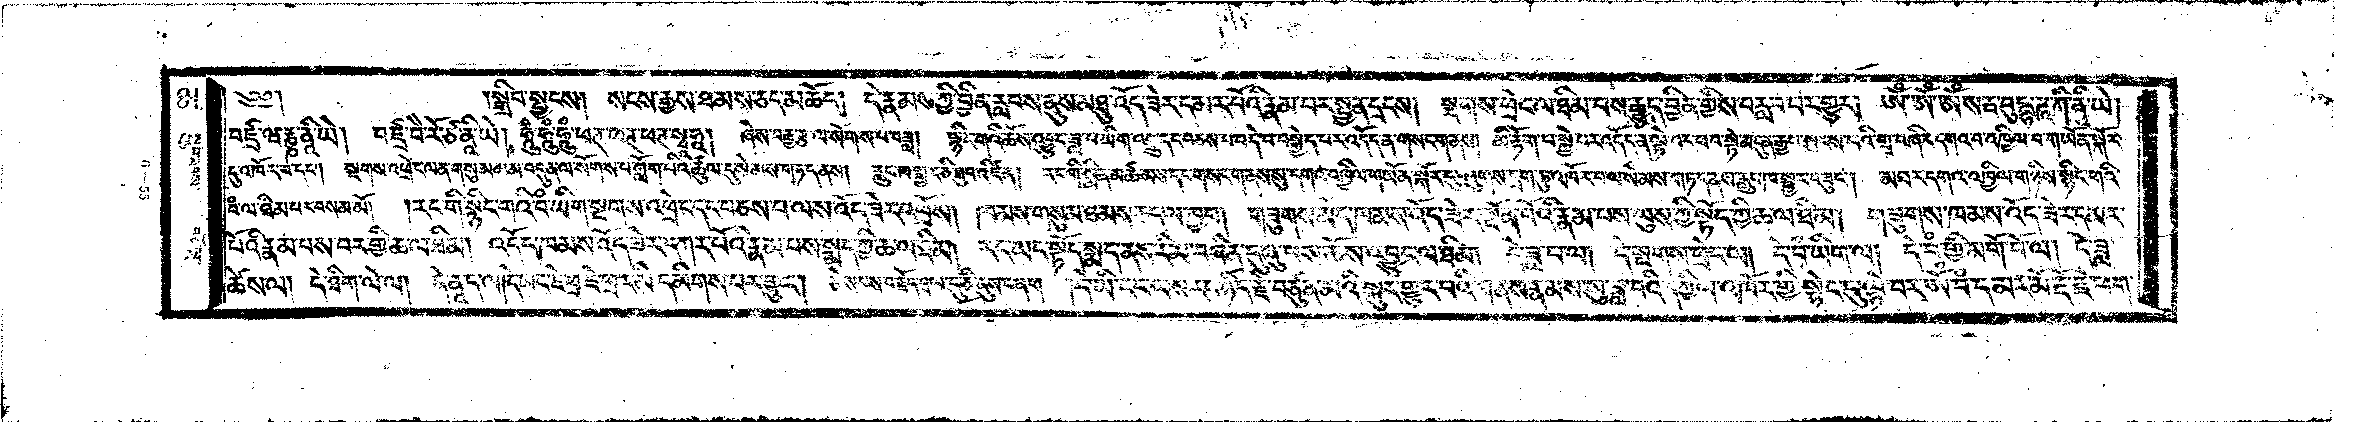༄༅། །སྒྲིབ་སྤྱངས། སངས་རྒྱས་ཐམས་ཅད་མཆོད། དེ་རྣམས་ཀྱི་བྱིན་རླབས་ནུས་མཐུ་འོད་ཟེར་དམར་པོའི་རྣམ་པར་སྤྱན་དྲངས། སྔགས་ཕྲེང་ལ་ཐིམ་བས་རྒྱུད་བྱིན་གྱིས་བརླབ་བར་གྱུར། ཨོཾ་ཨོཾ་ཨོཾ་སརྦ་བུདྡྷ་ཌཱ་ཀི་ནཱི་ཡེ།
བཛྲ་ཝརྞྞ་ནཱི་ཡེ། བཛྲ་བཻ་རོ་ཙ་ནཱི་ཡེ། ཧཱུཾ་ཧཱུཾ་ཧཱུཾ་ཕཊ་ཕཊ་སྭཱཧཱ། ཞེས་བརྒྱ་རྩ་ལ་སོགས་པ་བཟླ། སྙིང་གའི་ཆོས་འབྱུང་ཟླ་བ་ཡིག་འབྲུ་དང་བཅས་པ་བདེ་བ་བསྐྱེད་པར་འདོད་ན་གསང་གནས། མི་རྟོག་བ་སྐྱེ་བར་འདོད་ན་ལྟེ་བར་བབ་སྟེ་མདུན་རྒྱབ་སྤངས་པའི་གྲྭ་བཞིར་དགའ་བ་འཁྱིལ་བ་གཡོན་སྐོར་
དུ་འཁོར་བ་དང་། སྔགས་འཕྲེང་ལན་གསུམ་མམ་བདུན་ལ་སོགས་པ་ཀློག་པའི་ཚུལ་དུ་སེམས་གཏད་ནས། རླུང་ས་སྦྱར་ཅི་ཐུབ་འཛིན། རང་གི་སྨིན་མཚམས་དང་གསང་གནས་སུ་དགའ་འཁྱིལ་གཡོན་སྐོར་དུ་ཤུགས་དྲག་ཏུ་འཁོར་བ་མས་གཏད་ནས་རླུང་བ་སྦྱར་བཟུང་། མཐར་དགའ་འཁྱིལ་གཉིས་སྙིང་ཕའི་
བཾ་ལ་ཐིམ་པར་བསམ་མོ། །རང་གི་སྙིང་གའི་བཾ་ཡིག་སྔགས་འཕྲེང་དང་བཅས་པ་ལས་འོད་ཟེར་འཕྲོས། ཁམས་གསུམ་ཐམས་ཅད་ལ་ཁྱབ། གཟུགས་མེད་ཁམས་འོད་ཟེར་སྔོན་པོའི་རྣམ་པས་ལུས་ཀྱི་སྟོད་ཀྱི་ཆ་ལ་ཐིམ། གཟུགས་ཁམས་འོད་ཟེར་དམར་
པོའི་རྣམ་པས་བར་གྱི་ཆ་ལ་ཐིམ། འདོད་ཁམས་འོད་ཟེར་དཀར་པོའི་རྣམ་པས་སྨད་ཀྱི་ཆ་ལ་ཐིམ། རང་ཡང་སྟོད་སྨད་ནས་རིམ་བཞིན་དུ་ཞུ་བས་ཆོས་འབྱུང་ལ་ཐིམ། དེ་ཟླ་བ་ལ། དེ་སྔགས་ཕྲེང་ལ། དེ་བཾ་ཡིག་ལ། དེ་བཾ་གྱི་མགོ་བོ་ལ། དེ་ཟླ་
ཚེས་ལ། དེ་ཐིག་ལེ་ལ། དེ་ནཱད་ལ། དེ་ཡང་ཇེ་ཕྲ་ཇེ་ཕྲར་མི་དམིགས་པར་གྱུར། ཅེས་པས་བརྗོད་བྲལ་དུ་ཅི་ནུས་བཞག་།དེ་ཡི་དང་ལས་རང་ཉིད་རྗེ་བཙུན་མའི་སྐུར་གྱུར་པའི་གནས་རྣམས་?སུ་བའི་དཀྱིལ་འཁོར་གྱི་སྟེང་དུ་ལྟེ་བར་ཨོཾ་བཾ་དམར་མོ་རྡོ་རྗེ་ཕག་